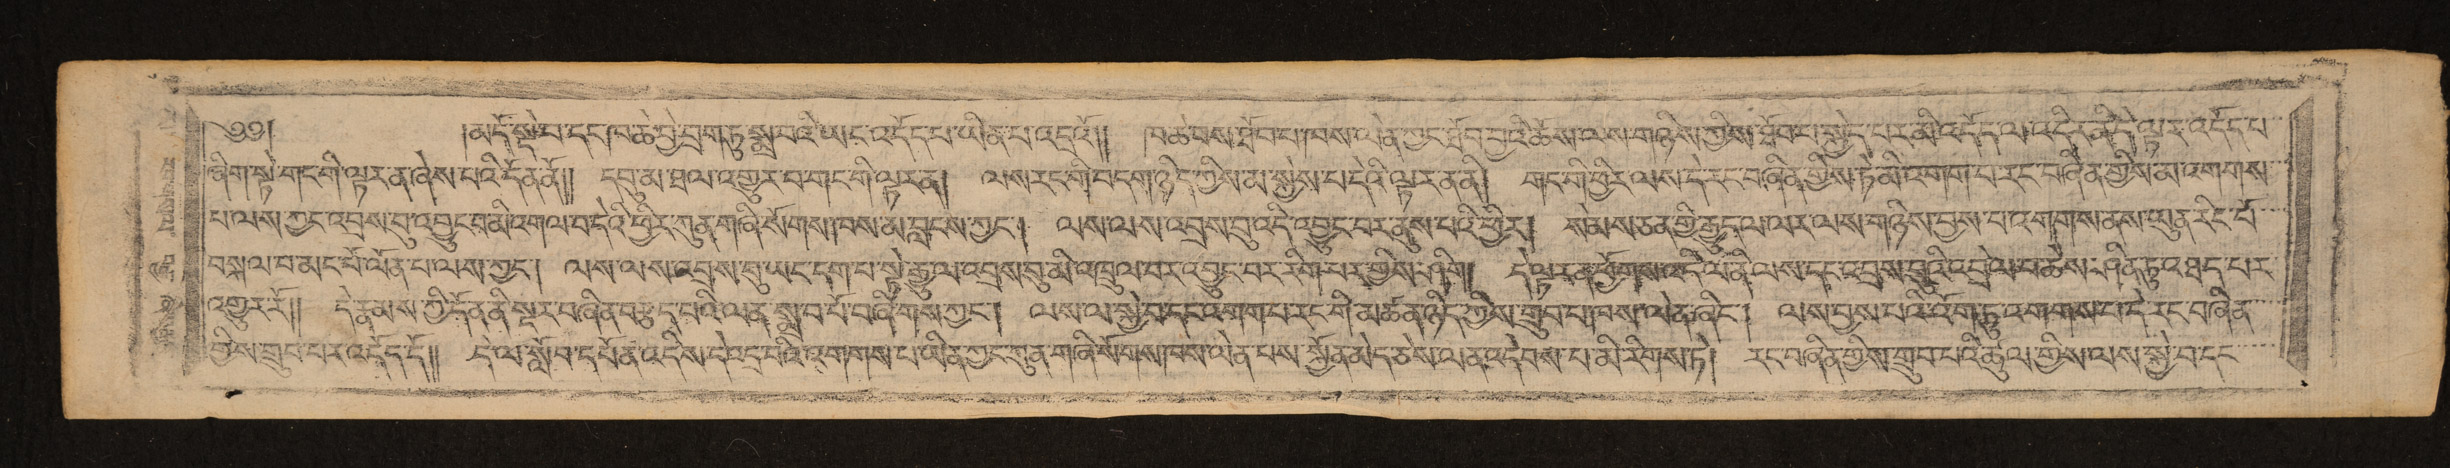༄༅། །མདོ་སྡེ་པ་དང་ཁ་ཆེ་བྱེ་བྲག་ཏུ་སྨྲ་བའི་ཡང་འདོད་པ་ཡིན་པ་འདྲའོ།། ཁ་ཆེ་བས་ཐོབ་པ་ཁས་ལེན་ཀྱང་ཐོབ་བྱའི་ཆོས་ལས་གཉིས་ཀྱིས་ཐོབ་པ་སྐྱེད་པར་མི་འདོད་ལ་འདིར་ནི་དེ་ལྟར་འདོད་པ་
ཞིག་སྟེ་གང་གི་ལྟར་ན་ཞེས་པའི་དོན་ནོ།། དབུ་མ་ཐལ་འགྱུར་བ་གང་གི་ལྟར་ན། ལས་རང་གི་བདག་ཉིད་ཀྱིས་མ་སྐྱེས་པ་དེའི་ལྟར་ན་ནི། གང་གི་ཕྱིར་ལས་དེ་རང་བཞིན་གྱིས་ཏེ་མི་འགག་པ་རང་བཞིན་གྱིས་མ་འགགས་
པ་ལས་ཀྱང་འབྲས་བུ་འབྱུང་བ་མི་འགལ་བ་དེའི་ཕྱིར་ཀུན་གཞི་སོགས་ཁས་མ་བླངས་ཀྱང་། ལས་ལས་འབྲས་བུ་འདི་འབྱུང་བར་ནུས་པའི་ཕྱིར། སེམས་ཅན་གྱི་རྒྱུད་ལ་ལར་ལས་གཉིས་བྱས་པ་འགགས་ནས་ཡུན་རིང་པོ་
བསྐལ་པ་མང་པོ་ལོན་པ་ལས་ཀྱང་། ལས་ལས་འབྲས་བུ་ཡང་དག་པ་སྟེ་རྒྱུ་ལ་འབྲས་བུ་མི་འཁྲུལ་བར་འབྱུང་བར་རིག་པར་གྱིས་ཤིག། དེ་ལྟར་ན་ཕྱོགས་འདི་ལ་ནི་ལས་དང་འབྲས་བུའི་འབྲེལ་བ་ཆེས་ཤིན་ཏུ་འཐད་པར་
འགྱུར་རོ།། དེ་རྣམས་ཀྱི་དོན་ནི་སྔར་བཞིན་བརྩད་པའི་ལན་སྨྲ་བ་པོ་བཞི་གས་ཀྱང་། ལས་ལ་སྐྱེ་བ་དང་འགག་པ་རང་གི་མཚན་ཉིད་ཀྱིས་གྲུབ་པ་ཁས་ལེན་ཞིང་། ལས་བྱས་པའི་འོག་ཏུ་འགགས་པ་དེ་རང་བཞིན་
གྱིས་གྲུབ་པར་འདོད་དོ།། དེ་ལ་སློབ་དཔོན་འདིས་དེ་འདྲ་བའི་འགགས་པ་ཡིན་ཀྱང་ཀུན་གཞི་སོགས་ཁས་ལེན་པས་སྐྱོན་མེད་ཅེས་ལན་འདེབས་པ་མི་རིགས་ཏེ། རང་བཞིན་གྱིས་གྲུབ་པའི་ཚུལ་གྱིས་ལས་སྐྱེ་བ་དང་